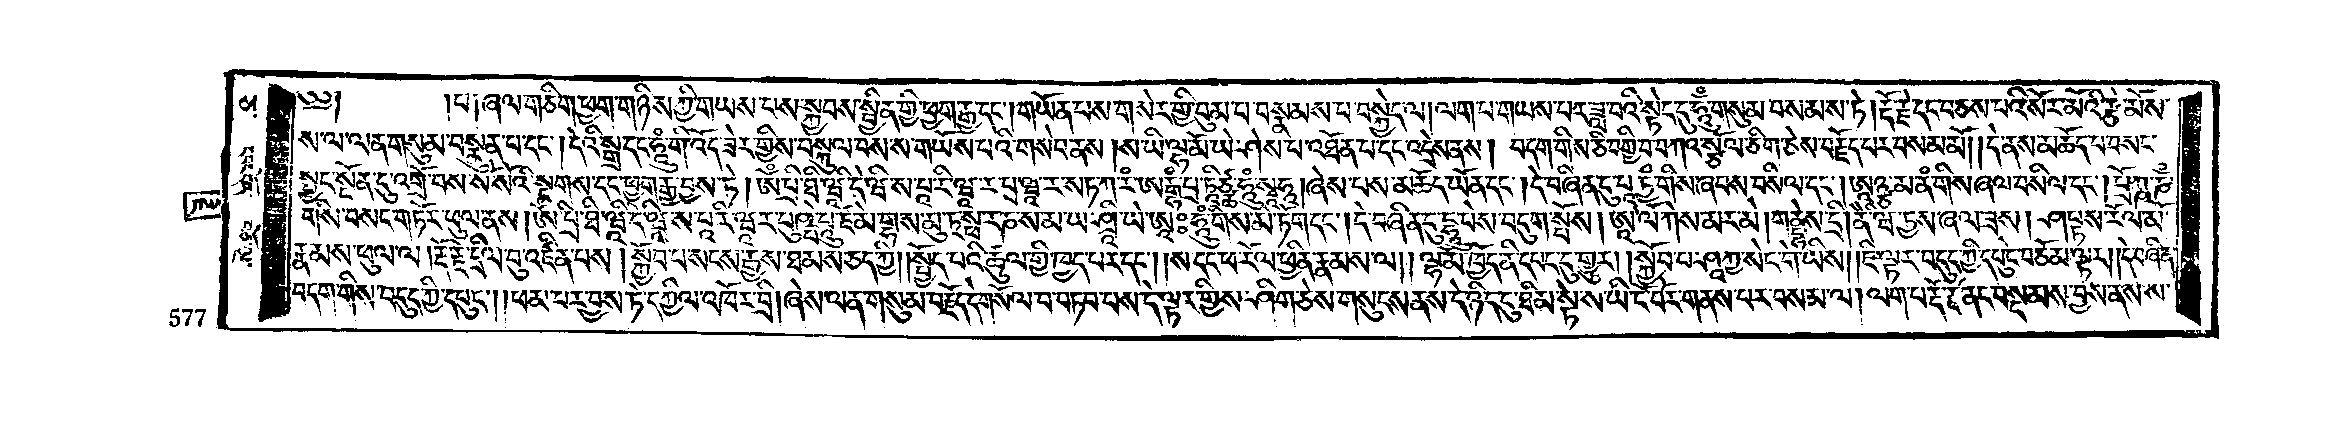༄༅། །པ། ཞལ་གཅིག་ཕྱག་གཉིས་ཀྱི་གཡས་པས་སྐྱབས་སྦྱིན་གྱི་ཕྱག་རྒྱ་དང་། གཡོན་པས་གསེར་གྱི་བུམ་པ་བསྣམས་པ་བསྐྱེད་ལ། ལག་པ་གཡས་པར་ཟླ་བའི་སྟེང་དུ་ཧཱུཾ་གསུམ་བསམས་ཏེ། རྡོ་རྗེ་དང་བཅས་པའི་སོར་མོའི་རྩེ་མོས་
ས་ལ་ལན་གསུམ་བསྣུན་པ་དང་། དེའི་སྒྲ་དང་ཧཱུཾ་གི་འོད་ཟེར་གྱིས་བསྐུལ་བས་ས་གཡོས་པའི་གསེབ་ནས། ས་ཡི་ལྷ་མོ་ཡེ་ཤེས་པ་འཐོན་པ་དང་འདྲེས་ནས། བདག་གིས་ཅི་བགྱི་བ་བཀའ་སྩོལ་ཅིག་ཅེས་བརྗོད་པར་བསམ་མོ། །དེ་ནས་མཆོད་པ་བསང་
སྦྱང་སྔོན་དུ་འགྲོ་བས་སོ་སོའི་སྔགས་དང་ཕྱག་རྒྱ་བྱས་ཏེ། ཨོཾ་པྲི་ཐི་ཝཱི་དེ་ཝི་ས་པཱ་རི་ཝཱ་ར་པྲ་ཝཱ་ར་སཏ་ཀ་རཾ་ཨརྒྷཾ་པྲ་ཏཱི་ཙྪ་ཧཱུཾ་སྭཱ་ཧཱ། ཞེས་པས་མཆོད་ཡོན་དང་། དེ་བཞིན་དུ་པཱ་ཏྱཾ་གིས་ཞབས་བསིལ་དང་། ཨཱཉྩ་མ་ནཾ་གིས་ཞལ་བསིལ་དང་། པྲོཀྵ་ཎཾ་
གསི་བསང་གཏོར་ཕུལ་ནས། ཨོཾ་པྲི་ཐི་ཝཱི་དེ་ཝཱི་ས་པཱ་རི་ཝཱ་ར་པུཥྤེ་པཱུ་ཛ་མེ་གྷ་ས་མུ་ཏྲ་སྥ་ར་ཎ་ས་མ་ཡ་ཤྲཱི་ཡེ་ཨཱཿ ཧཱུཾ་གིས་མེ་ཏོག་དང་། དེ་བཞིན་དུ་དྷཱུ་པེས་བདུག་སྤོས། ཨཱ་ལོ་ཀེས་མར་མེ། གནྡྷེས་དྲི། ནཻ་ཝི་ཏྱས་ཞལ་ཟས། ཤཔྟས་རོལ་མོ་
རྣམས་ཕུལ་ལ། རྡོ་རྗེ་དྲིལ་བུ་འཛིན་པས། སྐྱོབ་པ་སངས་རྒྱས་ཐམས་ཅད་ཀྱི། །སྤྱོད་པའི་ཚུལ་གྱི་ཁྱད་པར་དང་། །ས་དང་ཕ་རོལ་ཕྱིན་རྣམས་ལ། །ལྷ་མོ་ཁྱོད་ནི་དབང་དུ་གྱུར། །སྐྱོབ་པ་ཤཱཀྱ་སེང་གེ་ཡིས། །ཇི་ལྟར་བདུད་ཀྱི་དཔུང་བཅོམ་ལྟར། །དེ་བཞིན་
བདག་གིས་བདུད་ཀྱི་དཔུང་། །ཕམ་པར་བྱས་ཏེ་དཀྱིལ་འཁོར་བྲི། ཞེས་ལན་གསུམ་བརྗོད་དེ་གསོལ་བ་བཏབ་པས་དེ་ལྟར་གྱིས་ཤིག་ཅེས་གསུངས་ནས་དེ་ཉིད་དུ་ཐིམ་སྟེ་ས་ཡི་ངོ་བོར་གནས་པར་བསམ་ལ། ལག་པ་རྡོ་རྗེ་ནང་བསྡམས་བྱས་ནས་ས་